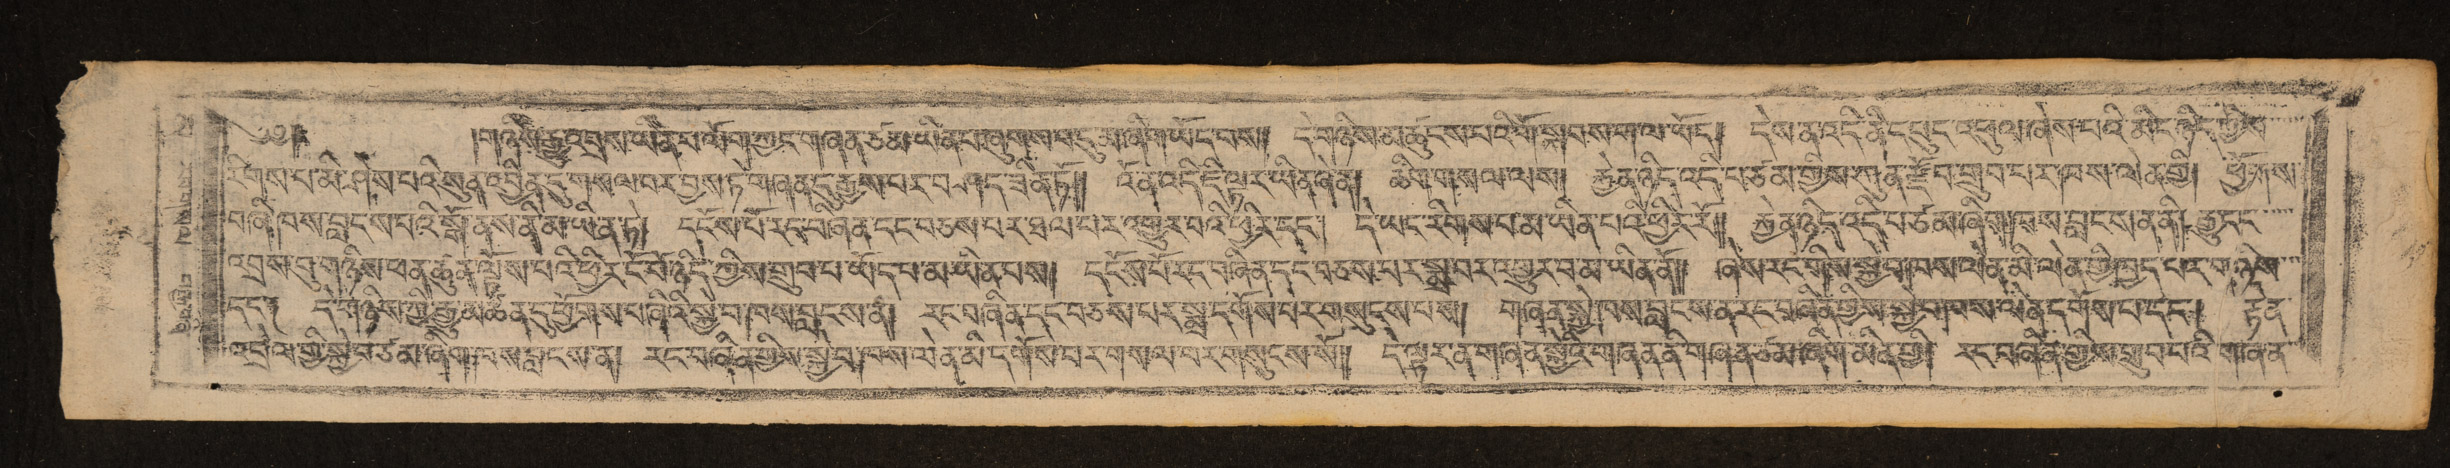༄༅། །གཉིས་རྒྱུ་འབྲས་ཡིན་པ་ལོག་ཀྱང་གཞན་ཙམ་ཡིན་པ་ཞུགས་པ་དུ་མ་ཞིག་ཡོད་པས། དེ་གཉིས་མཚུངས་པའི་གོ་སྐབས་ག་ལ་ཡོད། དེས་ན་འདི་ནི་དཔུང་འཕུལ་ཞེས་པའི་མིང་ཉིད་ཀྱིས་
རིགས་པ་མི་ཤེས་པའི་སུན་འབྱིན་དུ་གསལ་བར་བྱས་ཏེ་གཞན་དུ་རྒྱས་པར་བཤད་ཟིན་ཏོ།། འོ་ན་འདི་ཇི་ལྟར་ཡིན་ཞེ་ན། ཚིག་གསལ་ལས། རྐྱེན་ཉིད་འདི་པ་ཙམ་གྱིས་ཀུན་རྫོབ་གྲུབ་པར་ཁས་ལེན་གྱི། ཕྱོགས་
བཞི་ཁས་བླངས་པའི་སྒོ་ནས་ནི་མ་ཡིན་ཏེ། དངོས་པོ་རང་བཞིན་དང་བཅས་པར་ཐལ་བར་འགྱུར་བའི་ཕྱིར་དང་། དེ་ཡང་རིགས་པ་མ་ཡིན་པའི་ཕྱིར་རོ།། རྐྱེན་ཉིད་འདི་པ་ཙམ་ཞིག་ཁས་བླངས་ན་ནི། རྒྱུ་དང་
འབྲས་བུ་གཉིས་ཕན་ཚུན་ལྟོས་པའི་ཕྱིར་ངོ་བོ་ཉིད་ཀྱིས་གྲུབ་པ་ཡོད་པ་མ་ཡིན་པས། དངོས་པོ་རང་བཞིན་དང་བཅས་པར་སྣང་བར་འགྱུར་བ་མ་ཡིན་ནོ།། ཞེས་རང་གིས་སྐྱེ་བ་ཁས་ལེན་མི་ལེན་གྱི་ཁྱད་པར་གཉིས་
དང་། དེ་གཉིས་ཀྱི་རྒྱུ་མཚན་དུ་ཕྱོགས་བཞིའི་སྐྱེ་བ་ཁས་བླངས་ན། རང་བཞིན་དང་བཅས་པར་སྨྲ་དགོས་པར་གསུངས་པས། གཞན་སྐྱེ་ཁས་བླངས་ན་རང་བཞིན་གྱིས་སྐྱེ་བ་ཁས་ལེན་དགོས་པ་དང་། རྟེན་
འབྲེལ་གྱི་སྐྱེ་བ་ཙམ་ཞིག་ཁས་བླངས་ན། རང་བཞིན་གྱིས་སྐྱེ་བ་ཁས་ལེན་མི་དགོས་པར་གསལ་བར་གསུངས་སོ།། དེ་ལྟར་ན་གཞན་སྐྱེའི་གཞན་ནི་གཞན་ཙམ་ཞིག་མིན་གྱི། རང་བཞིན་གྱིས་གྲུབ་པའི་གཞན་